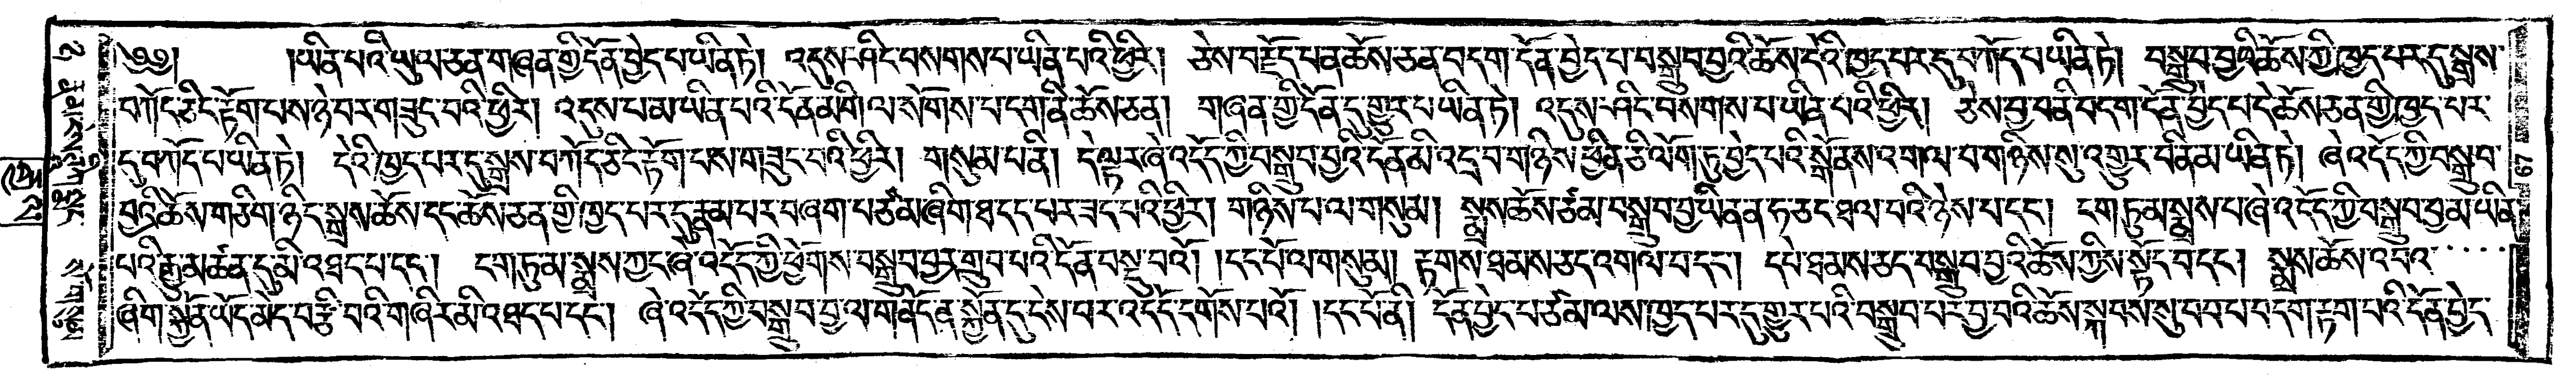༄༅། །ཡིན་པའི་ཡུལ་ཅན་གཞན་གྱི་དོན་བྱེད་པ་ཡིན་ཏེ། འདུས་ཤིང་བསགས་པ་ཡིན་པའི་ཕྱིར། ཅེས་བརྗོད་པ་ན་ཆོས་ཅན་བདག་དོན་བྱེད་པ་བསྒྲུབ་བྱའི་ཆོ་ས་དེའི་ཁྱད་པར་དུ་བཀོད་པ་ཡིན་ཏེ། བསྒྲུབ་བྱའི་ཆོས་ཀྱི་ཁྱད་པར་དུ་སྒྲས་
བཀོད་ཅིང་རྟོག་པས་ཉེ་བར་གཟུང་བའི་ཕྱིར། འདུས་པ་མ་ཡིན་པའི་དོན་མིག་ལ་སོགས་པ་དག་ནི་ཆོས་ཅན། གཞན་གྱི་དོན་དུ་གྱུར་པ་ཡིན་ཏེ། འདུས་ཤིང་བསགས་པ་ཡིན་པའི་ཕྱིར། ཅེས་བྱ་པ་ནི་བདག་དོན་བྱེད་པ་དེ་ཆོས་ཅན་གྱི་ཁྱད་པར་
དུ་བཀོད་པ་ཡིན་ཏེ། དེའི་ཁྱད་པར་དུ་སྒྲས་བཀོད་ཅིང་རྟོག་པས་གཟུང་བའི་ཕྱིར། གསུམ་པ་ནི། དེ་ལྟར་ཞེ་འདོད་ཀྱི་བསྒྲུབ་བྱའི་དོན་མི་འདྲ་བ་གཉིས་ཕྱིན་ཅི་ལོག་ཏུ་བྱེད་པའི་སྒོ་ནས་འགལ་བ་གཉིས་སུ་འགྱུར་བ་ནི་མ་ཡིན་ཏེ། ཞེ་འདོད་ཀྱི་བསྒྲུབ་
བྱའི་ཆོས་གཅིག་ཉིད་སྒྲས་ཆོས་ཅང་ཆོས་ཅན་གྱི་ཁྱད་པར་དུ་རྣམ་པར་བཞག་པ་ཙམ་ཞིག་ཐ་དད་པར་ཟང་བའི་ཕྱིར། གཉིས་པ་ལ་གསུམ། སྨྲས་ཆོས་ཙམ་བསྒྲུབ་བྱ་ཡིན་ན་ཧ་ཅང་ཐལ་བའི་ཉེས་པ་དང་། ངག་ཏུ་མ་སྨྲས་པ་ཞེ་འདོད་ཀྱི་བསྒྲུབ་བྱ་མ་ཡིན་
པའི་རྒྱུ་མཚན་དུ་མི་འཐད་པ་དང་། ངག་ཏུ་མ་སྨྲས་ཀྱང་ཞེ་འདོད་ཀྱི་ཕྱོགས་བསྒྲུབ་བྱར་གྲུབ་པའི་དོན་བསྡུ་བའོ། །དང་པོ་ལ་གསུམ། རྟགས་ཐམས་ཅད་འགལ་བ་དང་། དཔེ་ཐམས་ཅད་བསྒྲུབ་བྱའི་ཆོས་ཀྱིས་སྟོང་བ་དང་། སྨྲས་ཆོས་འབའ་
ཞིག་སྐྱོན་ཡོད་མེད་བརྩི་བའི་གཞིར་མི་འཐད་པ་དང་། ཞེ་འདོད་ཀྱི་བསྒྲུབ་བྱ་ལ་གནོད་ན་སྐྱོན་དུ་ངེས་བར་འདོད་དགོས་པའོ། །དང་པོ་ནི། དོན་བྱེད་པ་ཙམ་ལས་ཁྱད་པར་དུ་གྱུར་བའི་བསྒྲུབ་པར་བྱ་བའི་ཆོས་སྐབས་སུ་བབ་པ་བདག་རྟག་པའི་དོན་བྱེད་